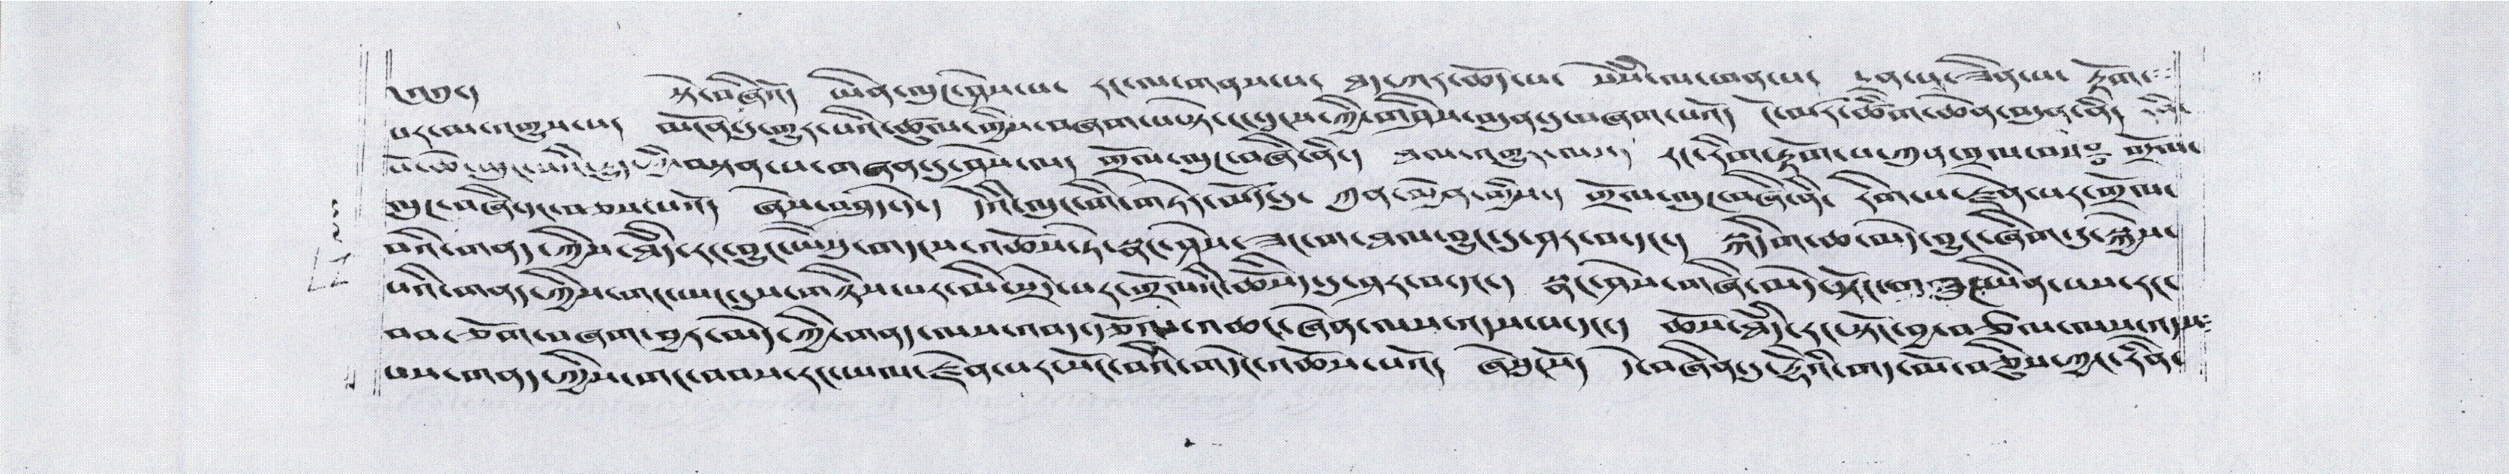སྟེ་བཞིའོ། ཡིན་ལུགས་ཤེས་པ། རང་ལ་གནས་པ། ཐད་ཀར་ཆོད་པ། སེམས་ལ་ཕན་པ། དྲན་པ་ཟིན་པ། རྟོགས་
པར་མ་འགྱུས་པ། མངོན་དུ་གྱུར་པའི་ཚུལ་གྱིས་བཞག་པ་སྟེ་ངང་དྭངས་ཀྱི་གཤིས་བདུན་དུ་བཞག་པའོ། ངོ་མཚར་ཚིག་ཆེན་བདུན་ནི་རིན་
པོ་ཆེ་སྤུངས་པའི་རྒྱུད་ལས་བསྟན་པ་གཞན་དུ་ཤེས་ལ། གྲོལ་ལུགས་བཞི་ནི། ཐལ་འགྱུར་ལས། རང་རིག་རྟོག་པ་ཀུན་བྲལ་བསཿ གྲོལ་
ལུགས་བཞི་དང་བཅས་པའོཿ ཞེས་བཤད་དེ། དེའི་ལུང་གི་གཏེར་མཛོད་དུ། ཀུན་མཁྱེན་གྱིས། གྲོལ་ལུགས་བཞི་ནི། རིག་པ་རྗེན་པར་གྲོལ་
བའི་གནད་ཀྱིས་ཐམས་ཅད་རང་འབྱུང་སེམས་སུ་གདངས་འཆོས་ཏེ་སྣང་ཤེས་ཟང་ག་ཐལ་བྱུང་དུ་ཤར་བ་དང་། སྐད་ཅིག་ཆ་མེད་བྱུང་ཞིག་ཏུ་སྐྱེས་
པའི་གནད་ཀྱིས་གང་ཡང་དུས་གཉིས་པར་མི་སྲིད་པར་གྲོལ་བའི་ཆོས་ཉིད་དུ་ཤར་བ་དང་། སྣང་ཤེས་གཞི་མེད་སྟོང་གཟུགས་ཡིན་པས་རང་
བབས་ཅོག་བཞག་བྱར་མེད་ཀྱི་གནད་ལས་འབད་རྩོལ་འཆིང་ཞེན་ལས་འདས་པ་དང་། ཆོས་ཐམས་ཅད་རང་སྟོང་བྱ་རྩལ་ལས་འདས་
པས་གནད་ཀྱིས་གང་བབས་རང་ཡལ་རྗེན་པར་སོང་བའི་གདེང་འཆོས་པའོ། ཞེས་གསུངས་སོ། དེ་བཞིན་དུ་རྡོ་རྗེའི་གད་མོ་བཅུ་གཉིས་ཀྱང་རིན་ཆེན་